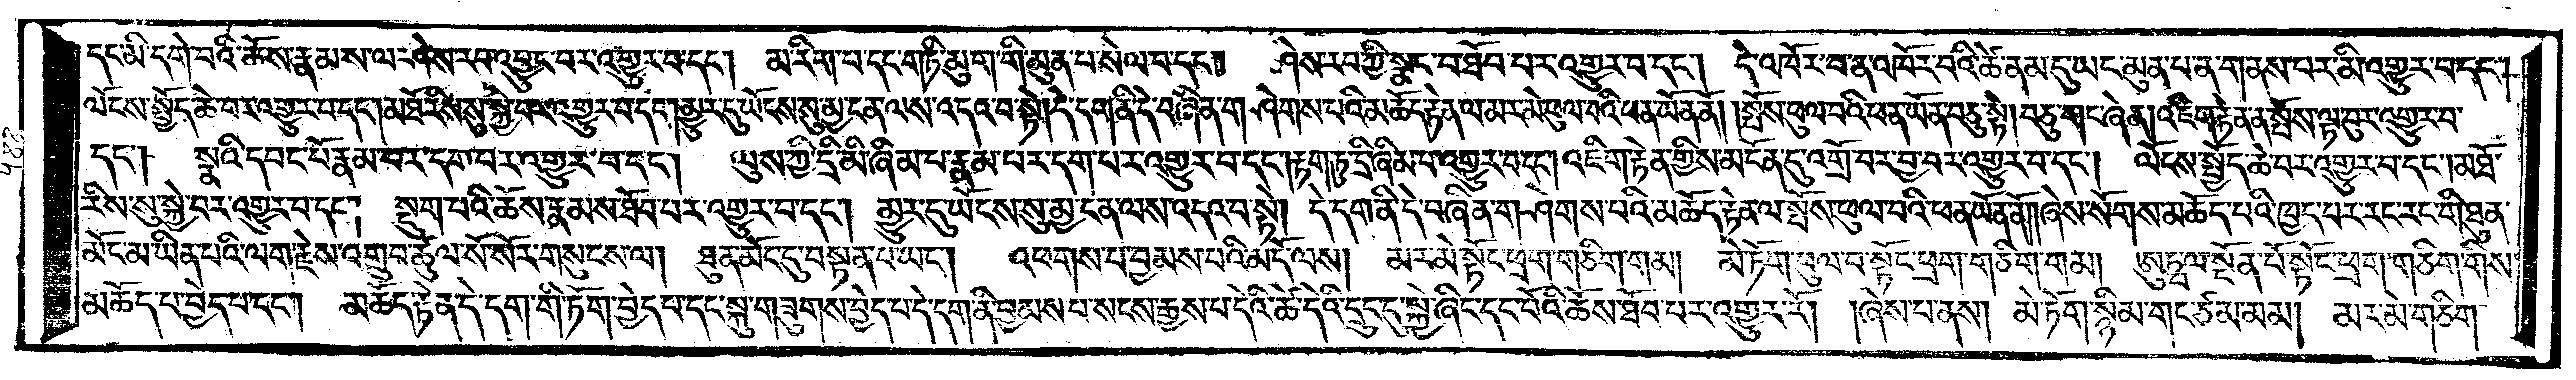དང་མི་དགེ་བའི་ཆོས་རྣམས་ལ་ཤེས་རབ་འབྱུང་བར་འགྱུར་བ་དང་། མ་རིག་པ་དང་གཏི་མུག་གི་མུན་པ་སེལ་བ་དང་། ཤེས་རབ་ཀྱི་སྣང་བ་ཐོབ་པར་འགྱུར་བ་དང་། དེ་འཁོར་བ་ན་འཁོར་བའི་ཚེ་ནམ་དུ་ཡང་མུན་པ་ན་གནས་པར་མི་འགྱུར་བ་དང་།
ལོངས་སྤྱོད་ཆེ་བར་འགྱུར་བ་དང་། མཐོ་རིས་སུ་སྐྱེ་བར་འགྱུར་བ་དང་། མྱུར་དུ་ཡོངས་སུ་མྱ་ངན་ལས་འདའ་བ་སྟེ། དེ་དག་ནི་དེ་བཞིན་གཤེགས་པའི་མཆོད་རྟེན་ལ་མར་མོ་ཕུལ་བའི་ཕན་ཡོན་ནོ། །སྤོས་ཕུལ་བའི་ཕན་ཡོན་བཅུ་སྟེ། བཅུ་གང་ཞེ་ན། འཇིག་རྟེན་ན་སྤོས་ལྟ་བུར་འགྱུར་བ་
དང་། སྣའི་དབང་པོ་རྣམ་པར་དག་པར་འགྱུར་བ་དང་། ལུས་ཀྱི་དྲི་མི་ཞིམ་པ་རྣམས་པར་དག་པར་འགྱུར་བ་དང་། རྟག་ཏུ་དྲི་ཞིམ་པ་འགྱུར་བ་དང་། འཇིག་རྟེན་གྱིས་མངོན་དུ་འགྲོ་བར་བྱ་བར་འགྱུར་བ་དང་། ལོངས་སྤྱོད་ཆེ་བར་འགྱུར་བ་དང་། མཐོ་
རིས་སུ་སྐྱེ་བར་འགྱུར་བ་དང་། སྡུག་པའི་ཆོས་རྣམས་ཐོབ་པར་འགྱུར་བ་དང་། མྱུར་དུ་ཡོངས་སུ་མྱ་ངན་ལས་འདའ་བ་སྟེ། དེ་དག་ནི་དེ་བཞིན་གཤེགས་པའི་མཆོད་རྟེན་ལ་སྤོས་ཕུལ་བའི་ཕན་ཡོན་ནོ། །ཞེས་སོགས་མཆོད་པའི་ཁྱད་པར་རང་རང་གི་ཐུན་
མོང་མ་ཡིན་པའི་ལག་རྗེས་སུ་འགྲུབ་ཚུལ་སོ་སོར་གསུངས་ལ། ཐུན་མོང་དུ་བསྟན་པ་ཡང་། འཕགས་པ་བྱམས་པའི་མདོ་ལས། མར་མེ་སྟོང་ཕྲག་གཅིག་གམ། མེ་ཏོག་ཕུལ་བ་སྟོང་ཕྲག་གཅིག་གམ། ཨུཏྤལ་སྔོན་པོ་སྟོང་ཕྲག་གཅིག་གིས་
མཆོད་པ་བྱེད་པ་དང་། མཆོད་རྟེན་དེ་དག་གི་ཏོག་བྱེད་པ་དང་སྐུ་གཟུགས་བྱེད་པ་དེ་དག་ནི་བྱམས་པ་སངས་རྒྱས་པ་དེའི་ཚེ་དེའི་དྲུང་དུ་སྐྱེ་ཞིང་དང་པོའི་ཆོས་ཐོབ་པར་འགྱུར་རོ། །ཞེས་པ་ནས། མེ་ཏོག་སྙིམ་གང་ཙམ་མམ། མར་མེ་གཅིག་